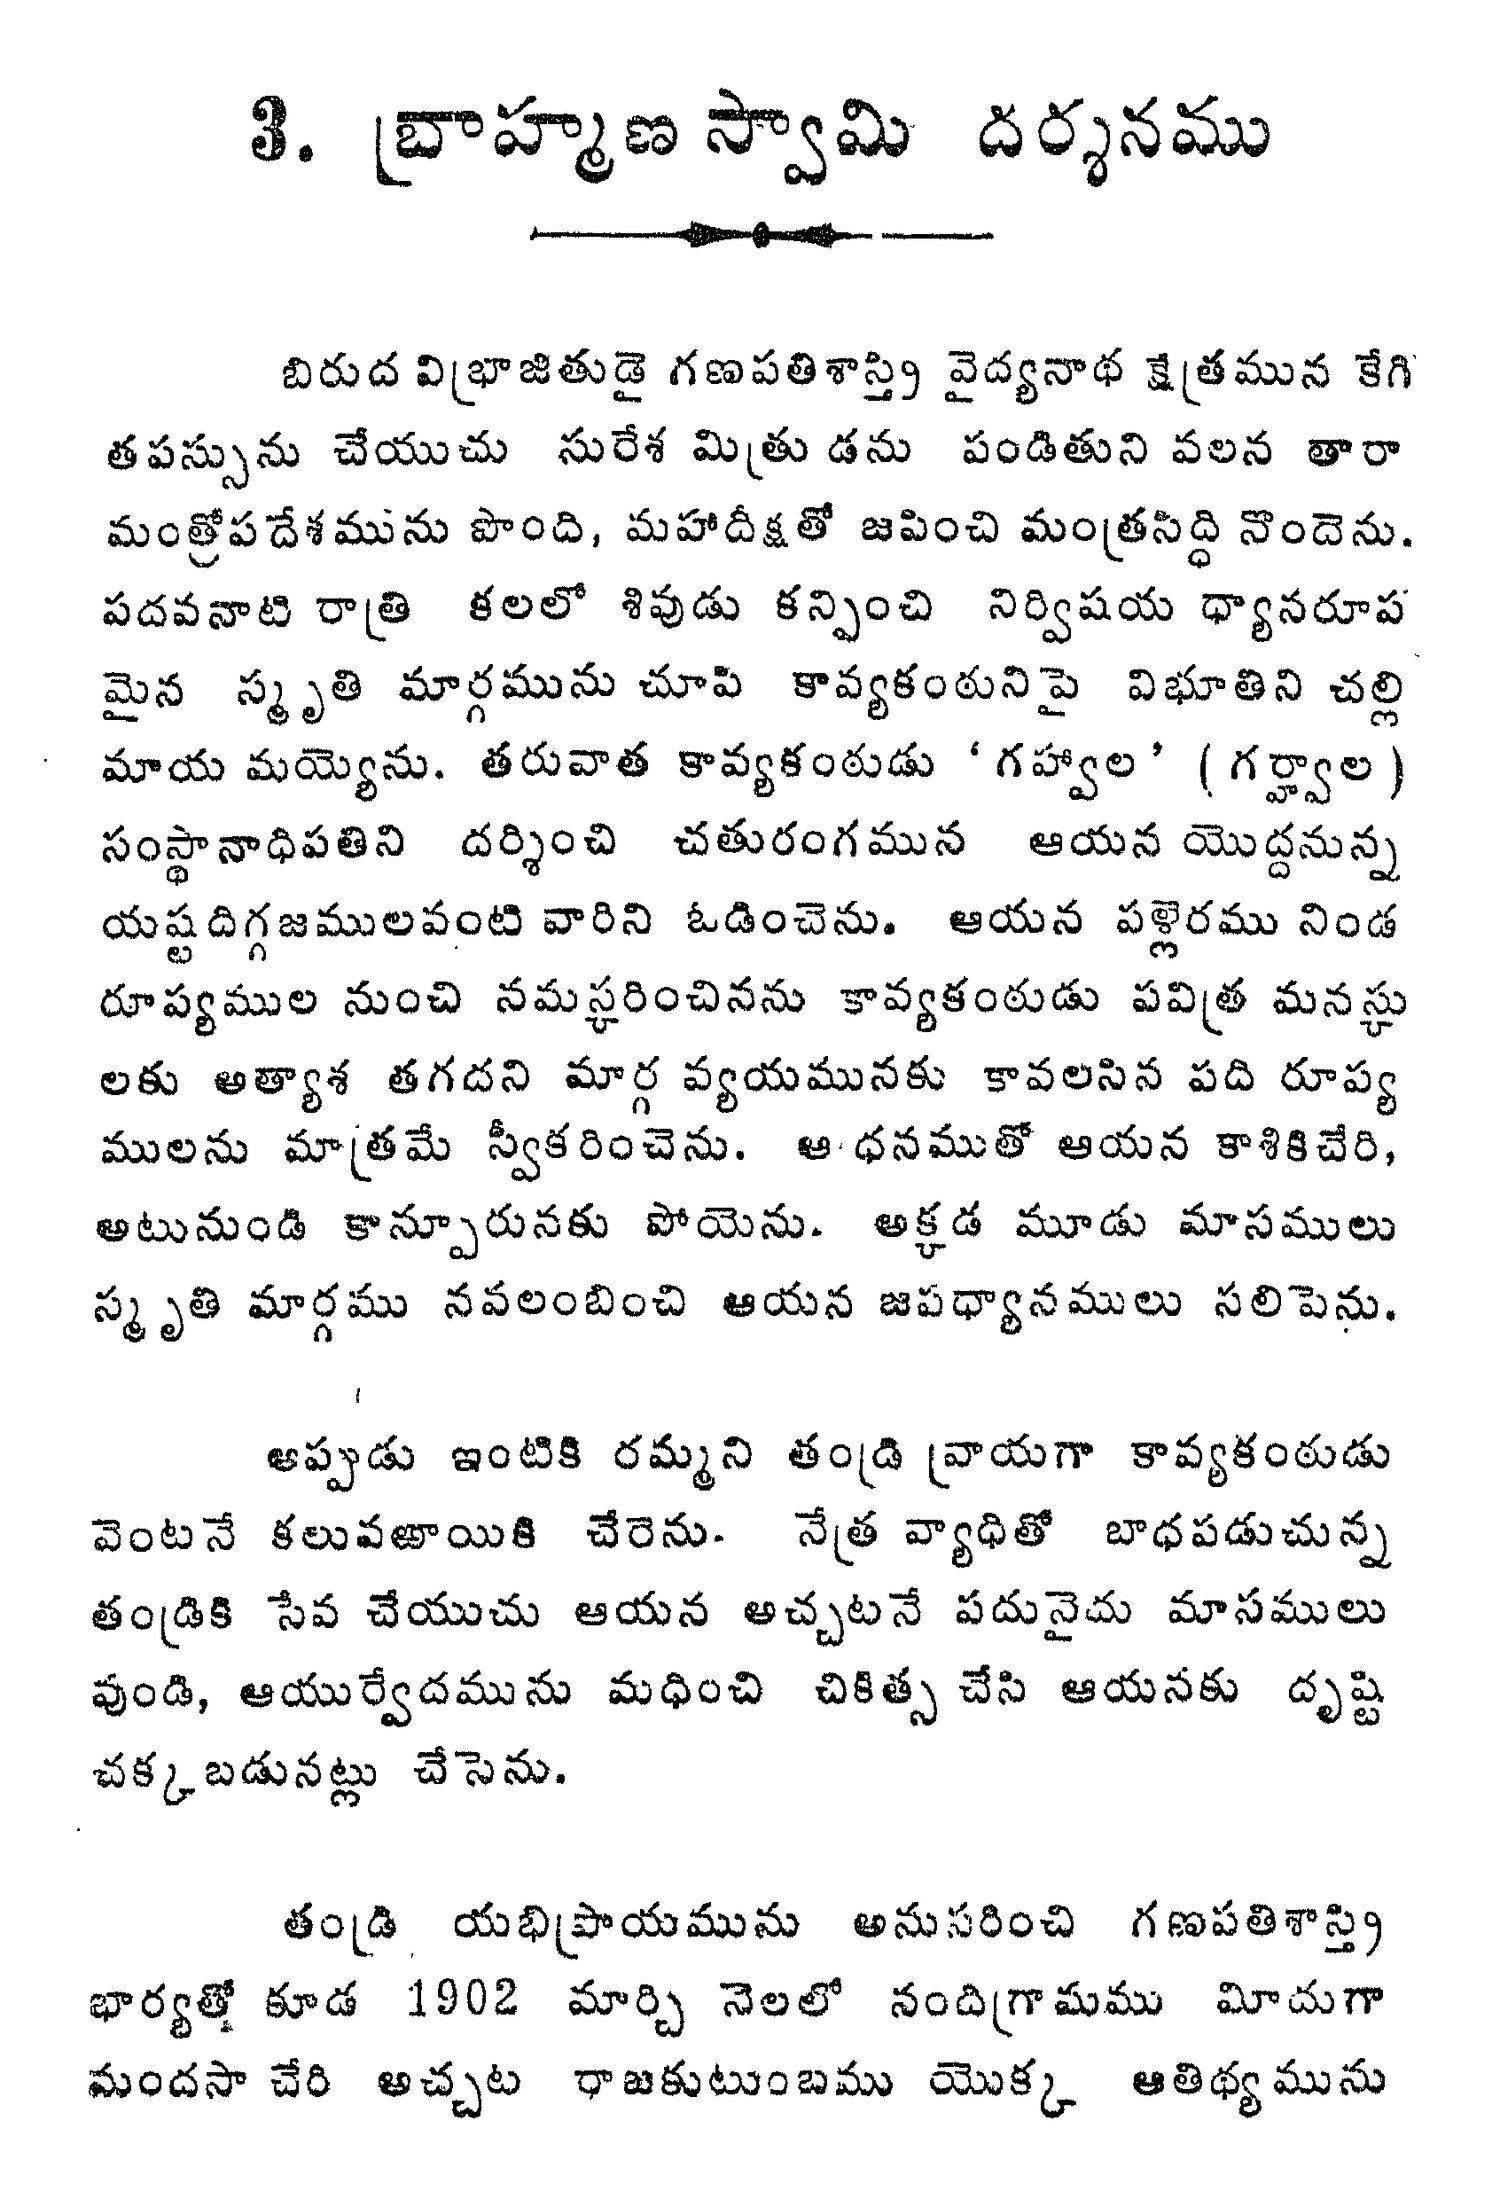బిరుద విభ్రాజితుడై గణపతిశాస్త్రి వైద్యనాథ క్షేత్రమున కేగి తపస్సును చేయుచు సురేశ మిత్రు డను పండితుని వలన తారా మంత్రోపదేశమును పొంది, మహాదీక్షతో జపించి మంత్రసిద్ధి నొందెను. పదవనాటి రాత్రి కలలో శివుడు కన్పించి నిర్విషయ ధ్యానరూపమైన స్మృతి మార్గమును చూపి కావ్యకంఠునిపై విభూతిని చల్లి మాయ మయ్యెను. తరువాత కావ్యకంఠుడు 'గహ్వాల' (గర్హ్వాల) సంస్థానాధిపతిని దర్శించి చతురంగమున ఆయన యొద్దనున్న యష్టదిగ్గజములవంటి వారిని ఓడించెను. ఆయన పళ్లెరము నిండ రూప్యముల నుంచి నమస్కరించినను కావ్యకంఠుడు పవిత్ర మనస్కులకు అత్యాశ తగదని మార్గ వ్యయమునకు కావలసిన పది రూప్యములను మాత్రమే స్వీకరించెను. ఆ ధనముతో ఆయన కాశికిచేరి, అటునుండి కాన్పూరునకు పోయెను. అక్కడ మూడు మాసములు స్మృతి మార్గము నవలంబించి ఆయన జపధ్యానములు సలిపెను.

అప్పుడు ఇంటికి రమ్మని తండ్రి వ్రాయగా కావ్యకంఠుడు వెంటనే కలువఱాయికి చేరెను. నేత్ర వ్యాధితో బాధపడుచున్న తండ్రికి సేవ చేయుచు ఆయన అచ్చటనే పదునైదు మాసములు వుండి, ఆయుర్వేదమును మధించి చికిత్స చేసి ఆయనకు దృష్టి చక్కబడునట్లు చేసెను.

తండ్రి యభిప్రాయమును అనుసరించి గణపతిశాస్త్రి భార్యతో కూడ 1902 మార్చి నెలలో నందిగ్రామము మీదుగా మందసా చేరి అచ్చట రాజకుటుంబము యొక్క ఆతిథ్యమును